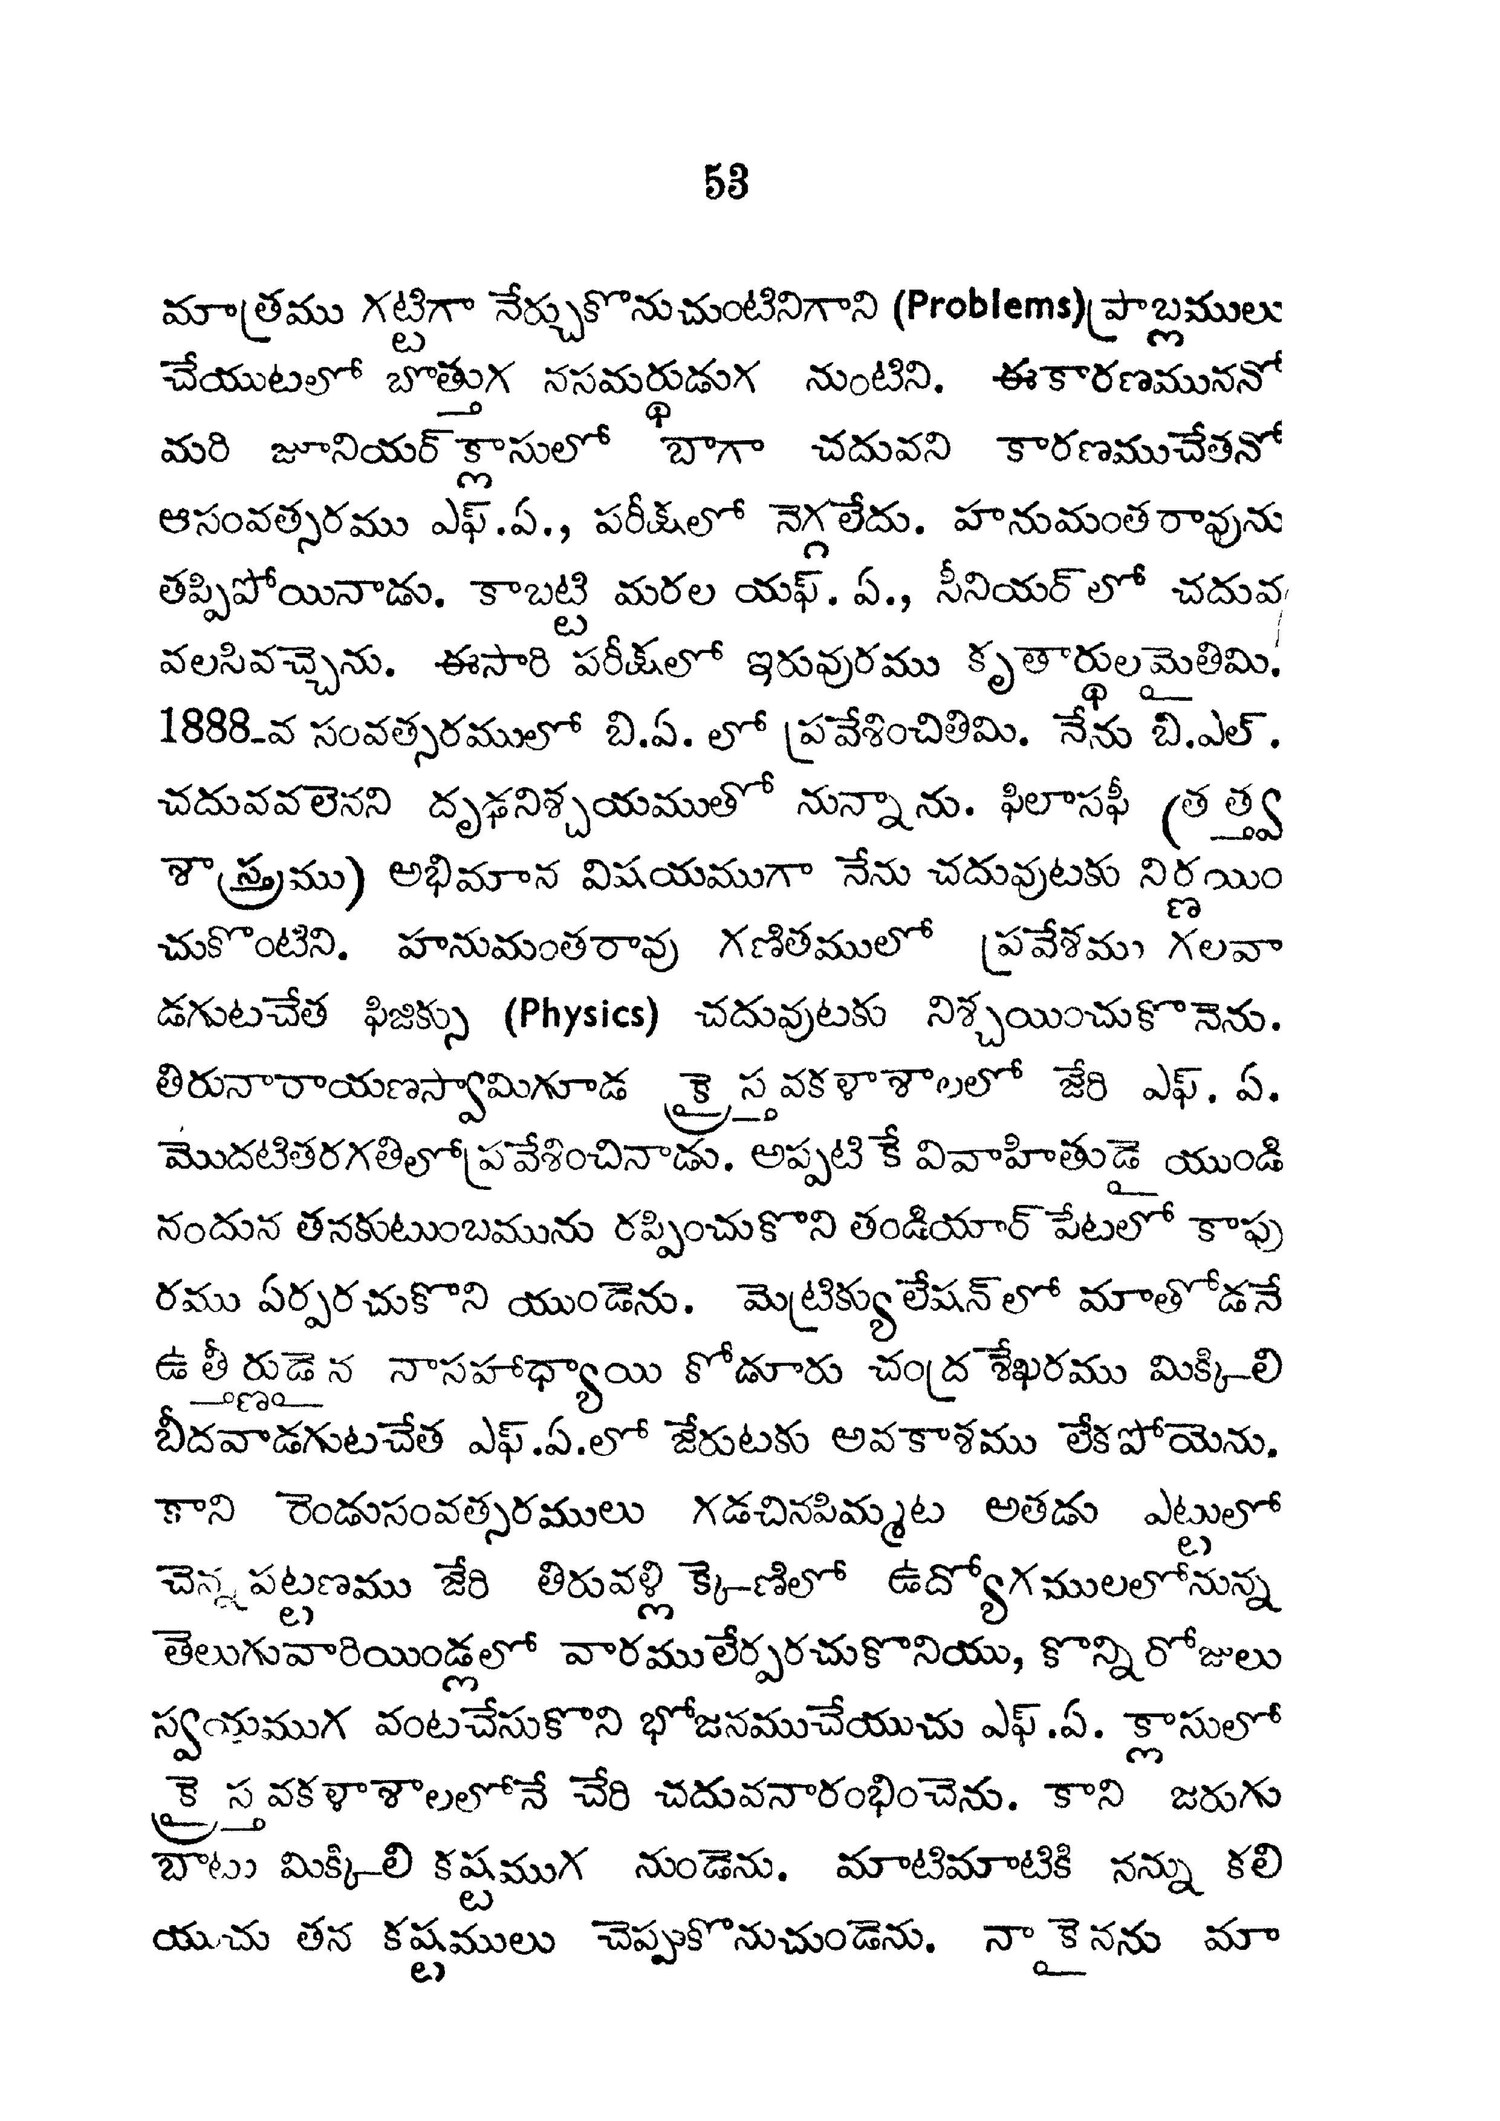మాత్రము గట్టిగా నేర్చుకొనుచుంటినిగాని (problems)ప్రాబ్లములు చేయుటలో బొత్తుగ నసమర్థుడుగ నుంటిని. ఈకారణముననో మరి జూనియర్‌క్లాసులో బాగా చదువని కారణముచేతనో ఆసంవత్సరము ఎఫ్. ఏ., పరీక్షలో నెగ్గలేదు. హనుమంతరావును తప్పిపోయినాడు. కాబట్టి మరల యఫ్. ఏ., సీనియర్‌లో చదువవలసివచ్చెను. ఈసారి పరీక్షలో ఇరువురము కృతార్థులమైతిమి. 1888 - వ సంవత్సరములో బి.ఏ. లో ప్రవేశించితిమి. నేను బి.ఎల్. చదువవలెనని దృఢనిశ్చయముతో నున్నాను. ఫిలాసఫీ (తత్త్వశాస్త్రము) అభిమాన విషయముగా నేను చదువుటకు నిర్ణయించుకొంటిని. హనుమంతురావు గణితములో ప్రవేశము గలవాడగుటచేత ఫిజిక్సు (physics) చదువుటకు నిశ్చయించుకొనెను. తిరునారాయణస్వామిగూడ క్రైస్తవకళాశాలలో జేరి ఎఫ్. ఏ. మొదటితరగతిలో ప్రవేశించినాడు. అప్పటికే వివాహితుడై యుండినందున తనకుటుంబమును రప్పించుకొని తండియార్‌పేటలో కాపురము ఏర్పరచుకొని యుండెను. మెట్రిక్యులేషన్‌లో మాతోడనే ఉత్తీర్ణుడైన నాసహాధ్యాయి కోడూరు చంద్రశేఖరము మిక్కిలి బీదవాడగుటచేత ఎఫ్. ఏ. లో జేరుటకు అవకాశము లేకపోయెను. కాని రెండుసంవత్సరములు గడచినపిమ్మట అతడు ఎట్టులో చెన్నపట్టణము జేరి తిరువళ్లి క్కెణిలో ఉద్యోగములలోనున్న తెలుగువారియిండ్లలో వారములేర్పరచుకొనియు, కొన్నిరోజులు స్వయముగ వంటచేసుకొని భోజనముచేయుచు ఎఫ్. ఏ. క్లాసులో క్రైస్తవకళాశాలలోనే చేరి చదువనారంభించెను. కాని జరుగుబాటు మిక్కిలి కష్టముగ నుండెను. మాటిమాటికి నన్ను కలియుచు తన కష్టములు చెప్పుకొనుచుండెను. నాకైనను మా